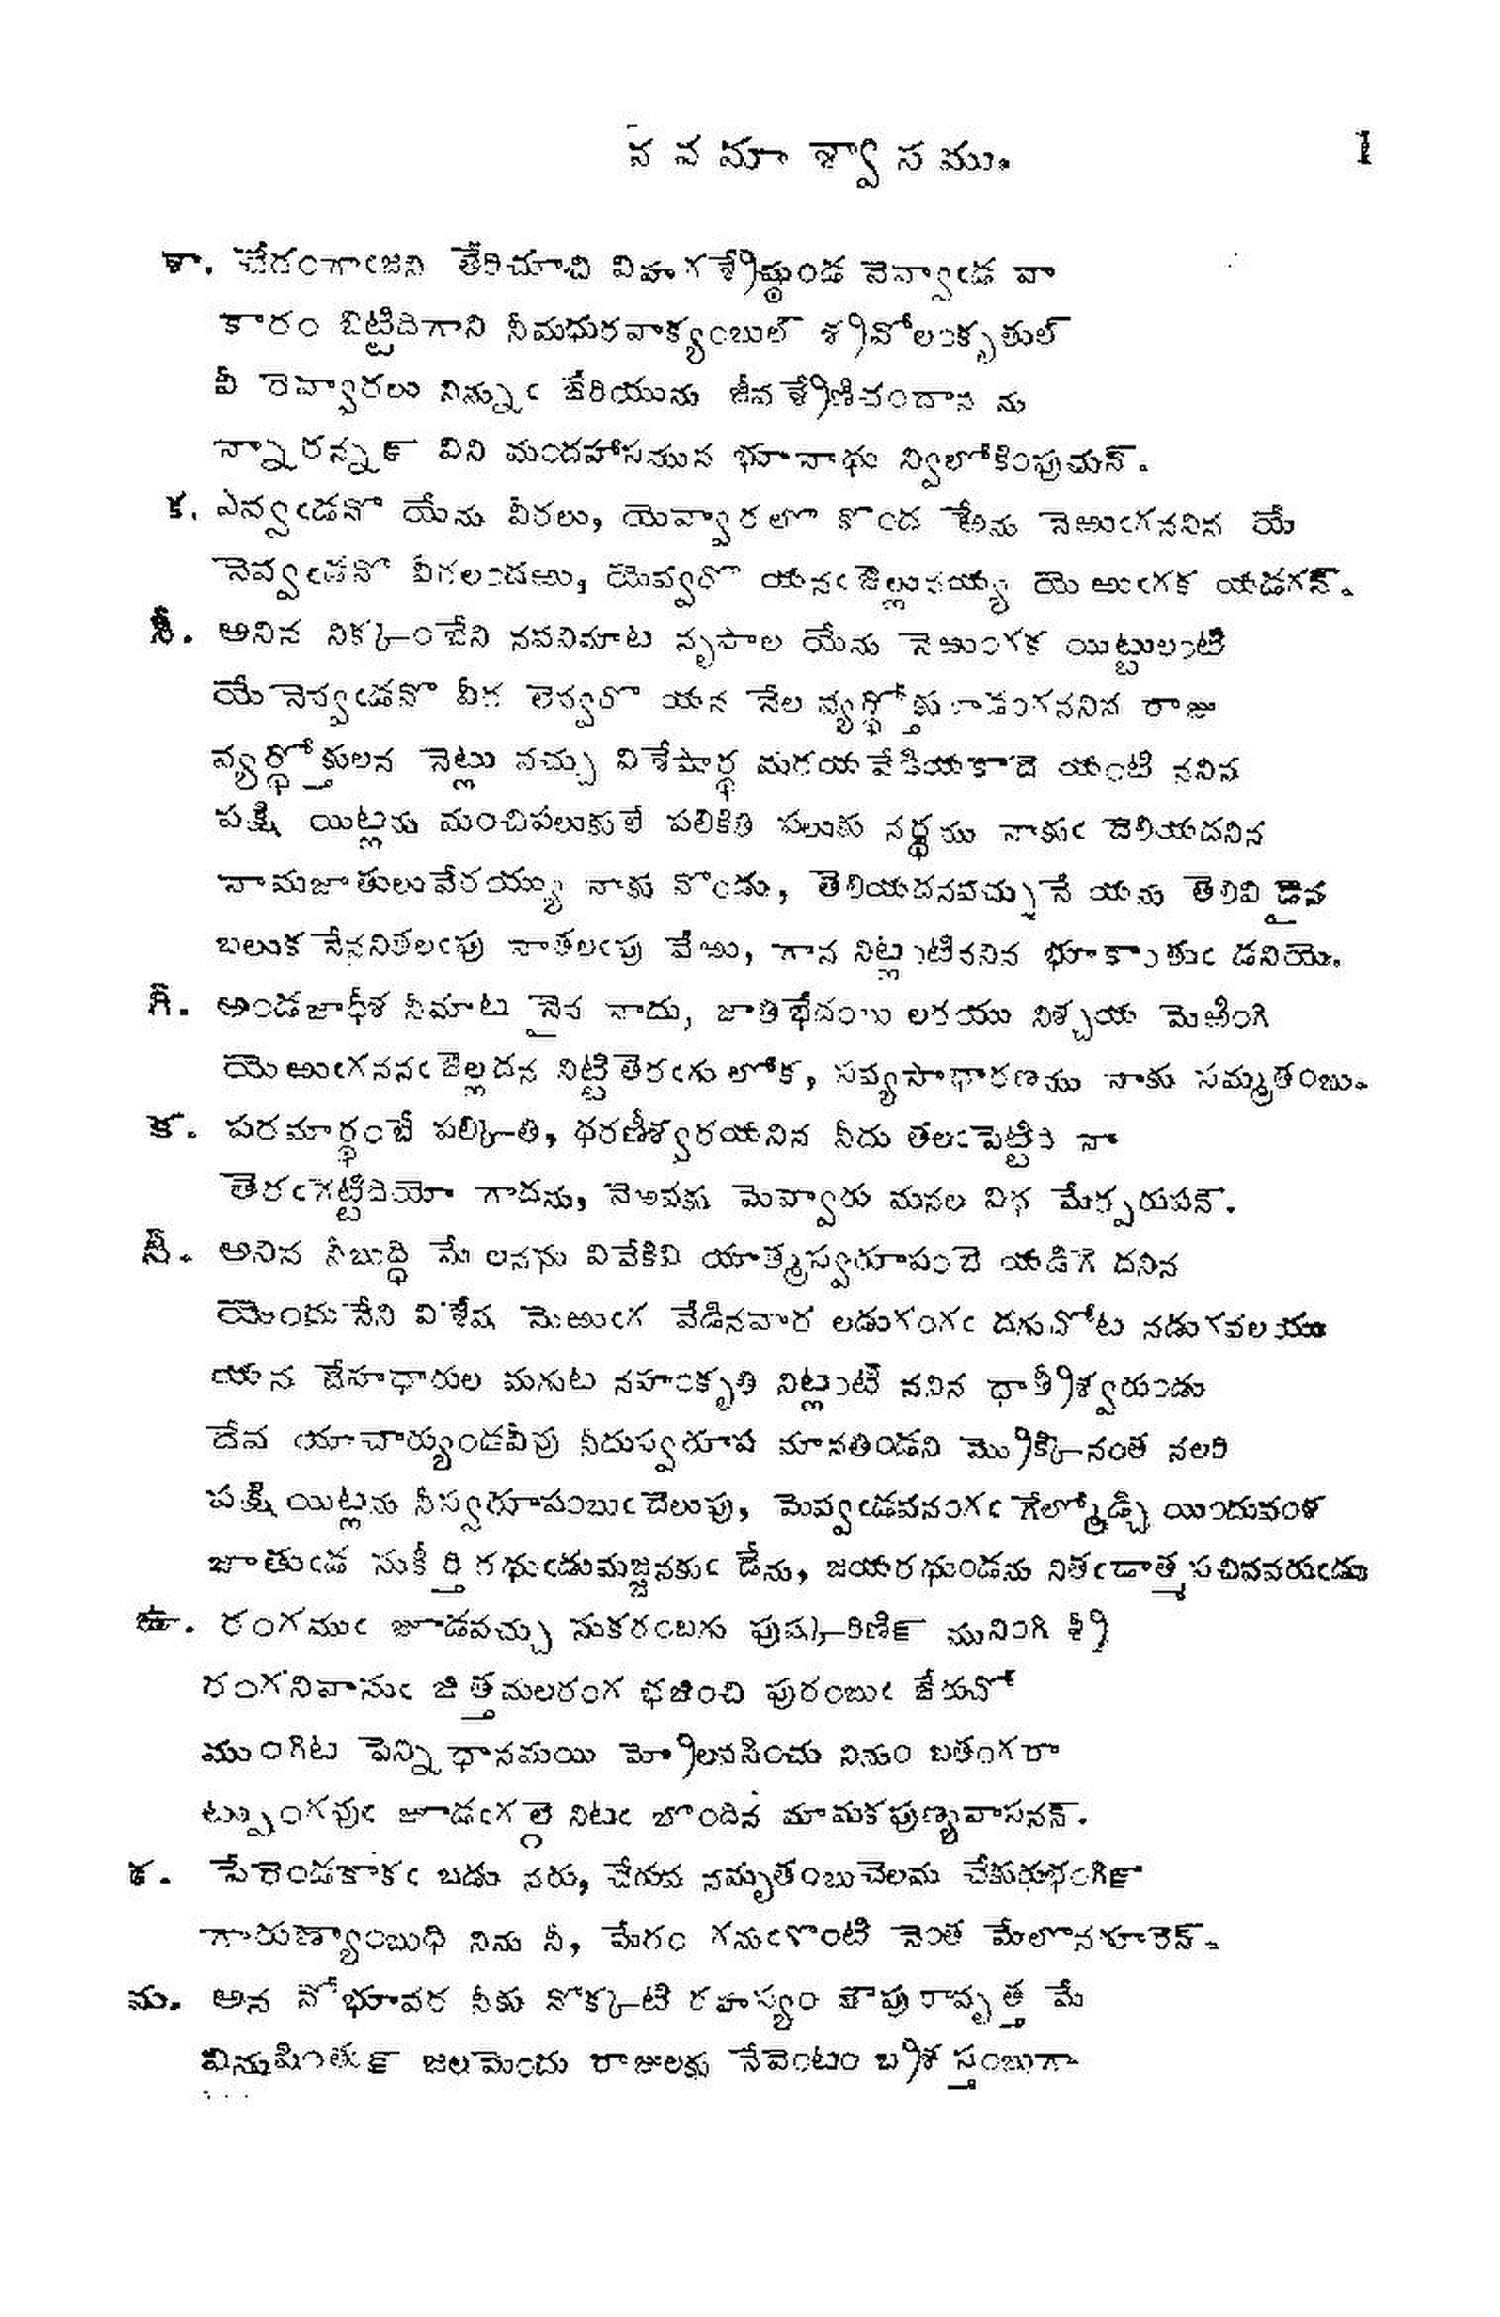శా. చేరంగాజని తేరిచూచి విహగశ్రేష్ఠుండ వెవ్వాఁడ వా
 కారం బిట్టిదిగాని నీమధురవాక్యంబుల్ శ్రవోలంకృతుల్
 వీ రెవ్వారలు నిన్నుఁ జేరియును జీవశ్రేణిచందాన ను
 న్నారన్నన్ విని మందహాసమున భూనాథు న్విలోకింపుచున్.
క. ఎవ్వఁడనో యేను వీరలు, యెవ్వారలొ కొంద ఱేను నెఱుఁగననిన యే
 నెవ్వఁడనో వీరలందఱు, యెవ్వరొ యనఁ జెల్లునయ్య యెఱఁగక యడఁగన్.
సీ. అనిన నిక్కంబేని నవనిమాట నృపాల యేను నెఱుంగక యిట్టులంటి
 యేనెవ్వఁడనొ వీరలెవ్వరొ యన నేల వ్యర్థోక్తు లాడంగననిన రాజు
 వ్యర్థోక్తులన నెట్లు వచ్చు విశేషార్థ మరయవేడియకాదె యంటి ననిన
 పక్షి యిట్లను మంచిపలుకులే పలికితి పలుకు నర్థము నాకుఁ దెలియదనిన
 నామజాతులు వేరయ్యు నాకు నొండు, తెలియదనవచ్చునే యను తెలివిడైన
 బలుక నేననితలఁపు నాతలఁపు వేఱు, గాన నిట్లంటిననిన భూకాంతుఁ డనియె.
గీ. అండజాధీశ నీమాట నైన నాదు, జాతిభేదంబు లరయు నిశ్చయ మెఱింగి
 యెఱుఁగననఁ జెల్లదన నిట్టితెరఁగు లోక, సవ్యసాధారణము నాకు సమ్మతంబు.
క. పరమార్థంబే పల్కితి, ధరణీశ్వర యనిన నీదు తలఁపెట్టిది నా
 తెరఁగెట్టిదియో గాదను, వెఱవకు మెవ్వారు మనల విధ మేర్పరుపన్.
సీ. అనిన నీబుద్ధి మే లనఘ వివేకివి యాత్మస్వరూపంబె యడిగె దనిన
 యెందునేని విశేష మెఱుఁగ వేడినవార లడుగంగఁ దగుచోట నడుగవలము
 యన దేహధారుల మగుట నహంకృతి నిట్లంటి ననిన ధాత్రీశ్వరుండు
 దేవ యాచార్యుండ వీవు నీదుస్వరూప మానతిండని మ్రొక్కినంత నలరి
 పక్షి యిట్లను నీస్వరూపంబుఁ దెలుపు, మెవ్వఁడ వనంగఁ గేల్మోడ్చి యిందువంశ
 జాతుఁడ సుకీర్తిరథుఁడు మజ్జనకుఁ డేను, జయరథుండను నితఁ డాత్మసచివవరుఁడు.
ఉ. రంగముఁ జూడవచ్చు సుకరంబగు పుష్కరిణిన్ మునిగి శ్రీ
 రంగనివాసుఁ జిత్త మలరంగ భజించి పురంబుఁ జేరుచో
 ముంగిట పెన్నిధానమయి మ్రోలవసించు నినుం బతంగరా
 ట్పుంగవుఁ జూడఁగల్గె నిటఁ బొందిన మామకపుణ్యవాసనన్.
క. పేరెండకాకఁ బడు నరు, చేరువ నమృతంబుచెలమ చేకురుభంగిన్
 గారుణ్యాంబుధి నిను నీ, మేరం గనుఁగొంటి నెంత మేలొనగూరెన్.
మ. అన నోభూవర నీకు నొక్కటి రహస్యం బౌపురావృత్త మే
 వినుపింతున్ జలమెందు రాజులకు నేవెంటం బ్రశస్తంబుగా